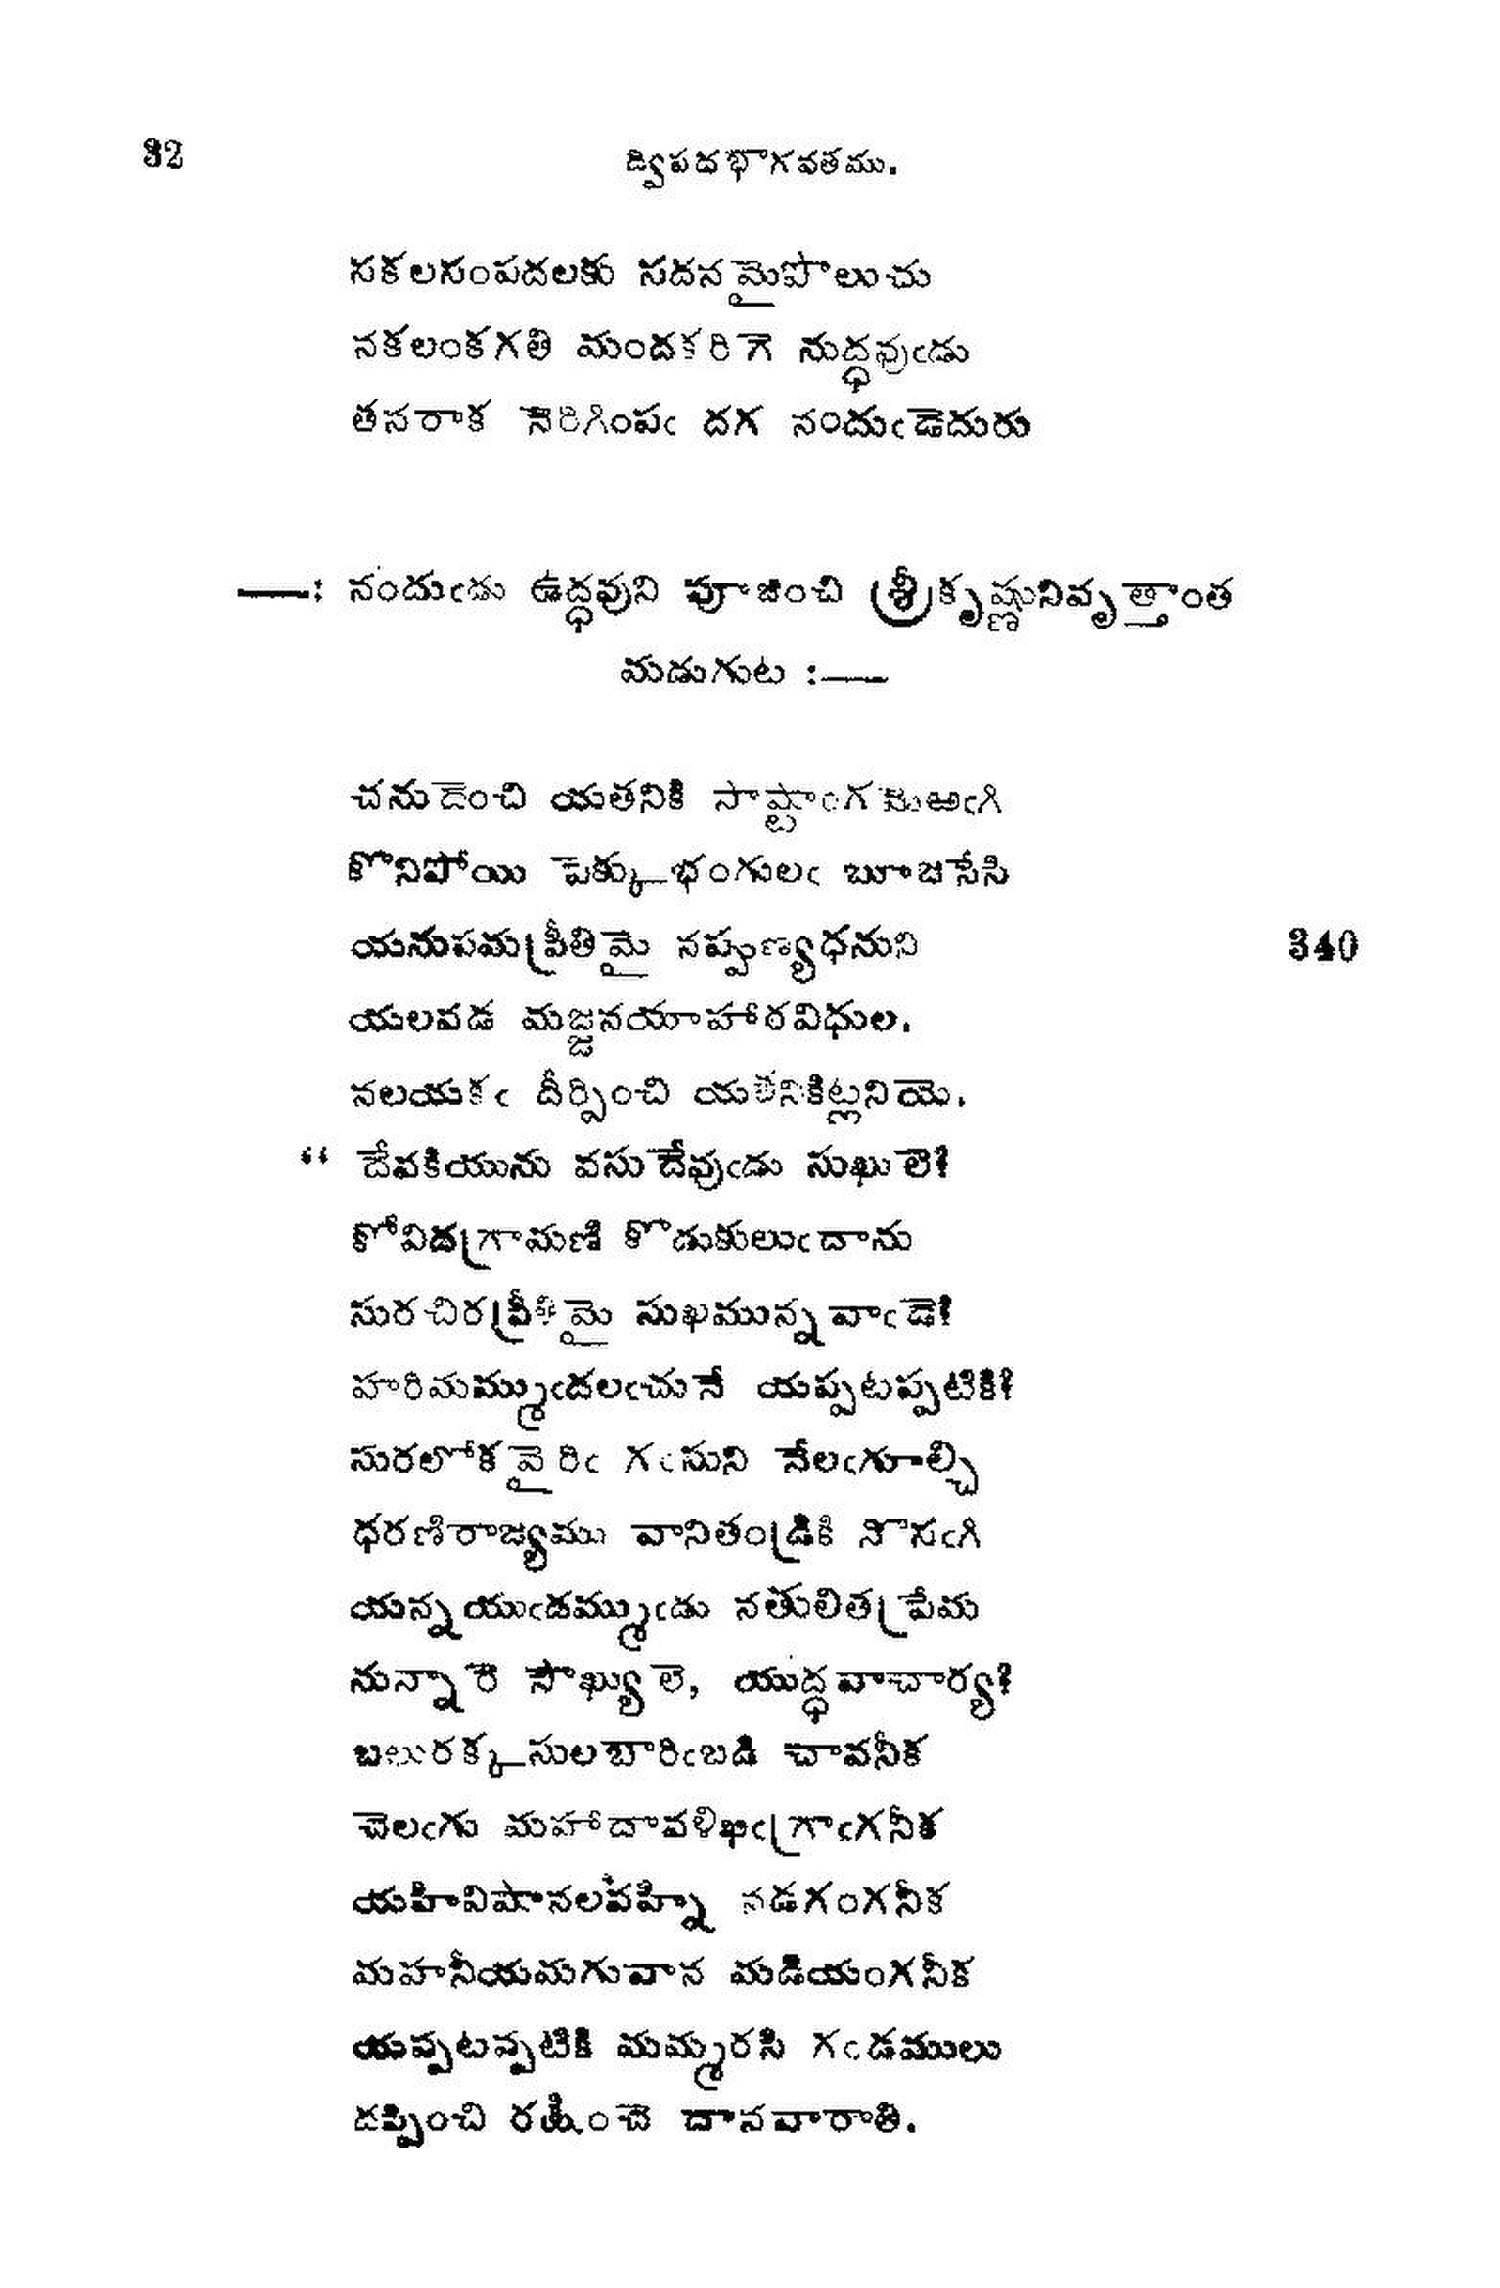సకలసంపదలకు సదనమై పొలుచు
నకలంకగతి మందకరిగె నుద్ధవుఁడు
తనరాక నెరిగింపఁ దగ నందుఁ డెదురు

చనుదెంచి యతనికి సాష్టాంగ మెఱఁగి
కొనిపోయి పెక్కుభంగులఁ బూజసేసి
యనుపమప్రీతిమై నప్పుణ్యధనుని
యలవడ మజ్జనయాహారవిధుల.
వలయకఁ దీర్పించి యతని కిట్లనియె.
"దేవకియును వసుదేవుఁడు సుఖులె?
కోవిదగ్రామణి కొడుకులుఁ దాను
సురచిరప్రీతిమై సుఖమున్నవాఁడె?
హరి మమ్ముఁ దలఁచునే యప్పటప్పటికి?
సురలోకవైరిఁ గంసుని నేలఁగూల్చి
ధరణిరాజ్యము వానితండ్రికి నొసఁగి
యన్నయుఁ దమ్ముఁడు నతులితప్రేమ
నున్నారె సౌఖ్యులె, యుద్ధవాచార్య
బలురక్కసులబారిఁ బడి చావనీక
చెలఁగు మహాదావశిఖి గ్రాఁగనీక
యహివిషానలవహ్ని నడగంగనీక
మహనీయమగువాన మడియంగనీక
యప్పటప్పటికి మమ్మరసి గండములు
దప్పించి రక్షించె దానవారాతి.